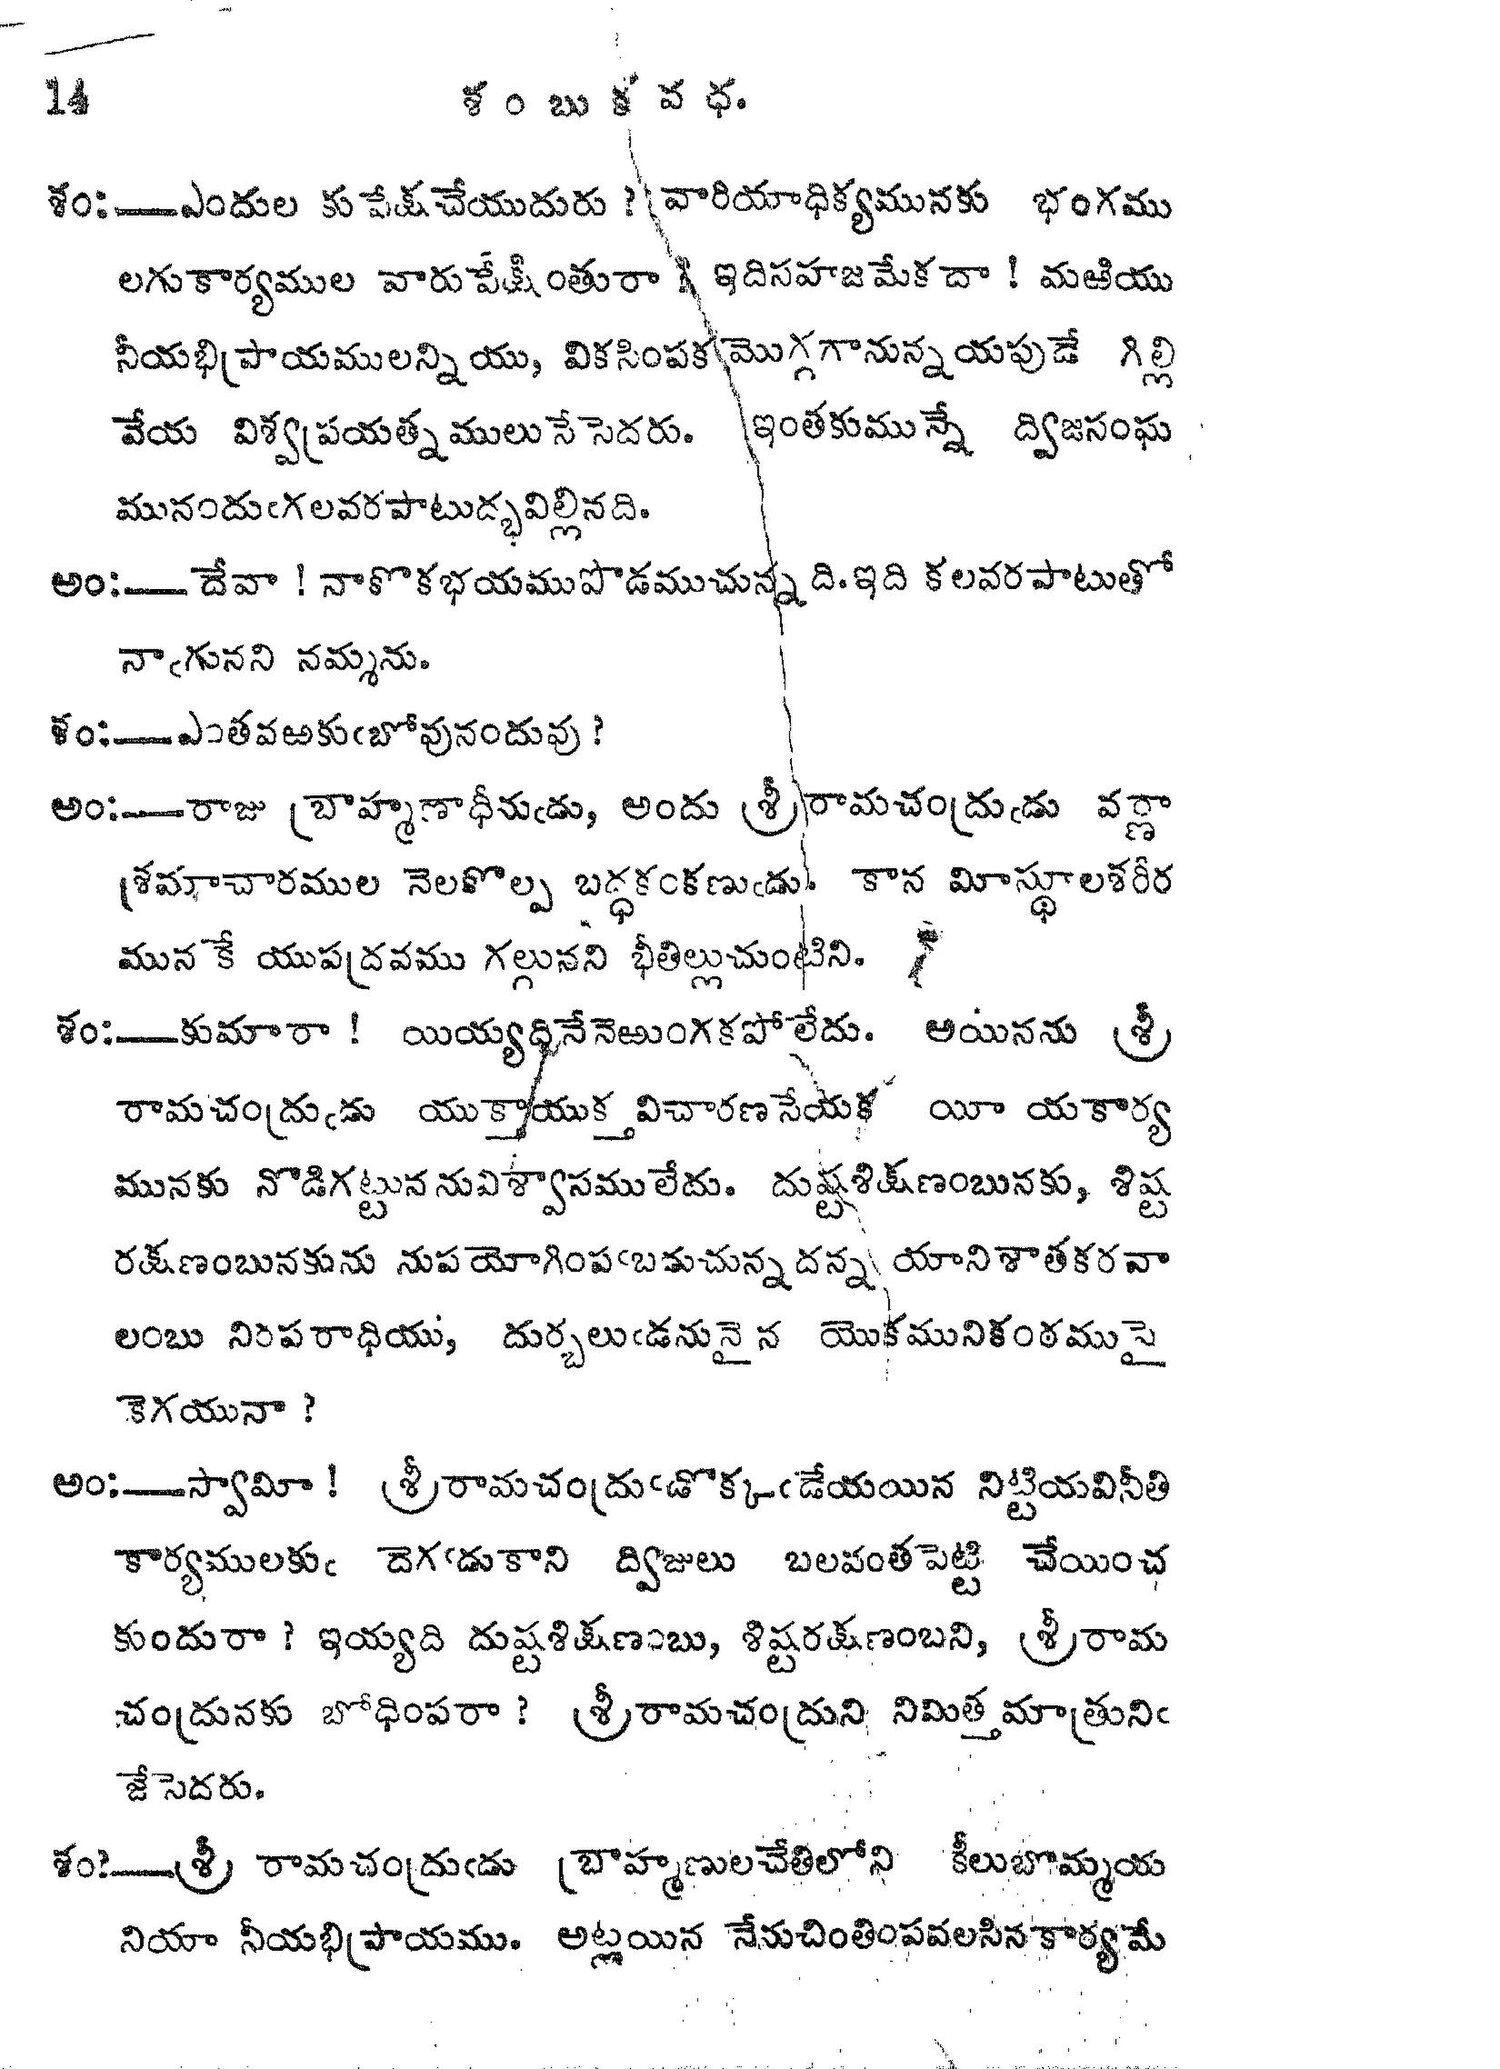శం:- ఎందుల కుపేక్షచేయుదురు ? వారి యాధిక్యమునకు భంగము
 లగు కార్యముల వారు పేక్షింతురా ? ఇది సహజమేకదా ! మఱియు
 నీయభిప్రాయములన్నియు, వికసింపక మొగ్గగా నున్న యపుడే గిల్లి
 వేయ విశ్వప్రయత్నములు సేసెదరు. ఇంతకుమున్నే ద్విజసంఘ
 మునందుఁగలవరపాటుద్భవిల్లినది.

అం: దేవా ! నాకొక భయము పొడముచున్నది. ఇది కలవరపాటుతో
 నాగునని నమ్మను.

శం:-- ఎంతవఱకుఁ బోవునందువు ?

అం:- రాజు బ్రాహ్మణాధీశుఁడు, అందు శ్రీరామచంద్రుడు వర్ణా
 శ్రమాచారముల నెలకొల్ప బద్ధ కంకణ్యుడు. కాన మీ స్థూలశరీర
 మునకే యుపద్రవము గల్గునని భీతిల్లుచుంటిని. 

శం:_కుమారా ! యియ్యధినే నెఱుంగక పోలేదు. అయినను శ్రీ
 రామచంద్రుడు యుక్తాయుక్త విచారణ సేయక యీ యకార్య
 మునకు నొడిగట్టునను విశ్వాసము లేదు. దుష్టశిక్షణంబునకు, శిష్ట
 రక్షణంబునకును నుపయోగింపబడు చున్నదన్న యానిశాతకరవా
 లంబు నిరిపరాధియు, దుర్బలుఁడనునైన యొకముని కంఠము 
 పై కెగయునా?

అం:- స్వామీ ! శ్రీరామచంద్రుఁ డొక్కఁడేయయిన నిట్టియవినీతి
 కార్యములకుఁ దెగఁడు కాని ద్విజులు బలవంత పెట్టి చేయించ
 కుందురా ! ఇయ్యది దుష్ట శిక్షణంబు, శిష్టరక్షణంబని, శ్రీరామ
 చంద్రునకు బోధింపరా ! శ్రీరామచంద్రుని నిమిత్త మాత్రునిఁ
 జేసెదరు.

శం.. శ్రీ రామచంద్రుఁడు బ్రాహ్మణుల చేతిలోని కీలుబొమ్మ
 యనియా నీయభిప్రాయము. అట్లయిన 'నేనుచింతింపవలసిన కార్యమే